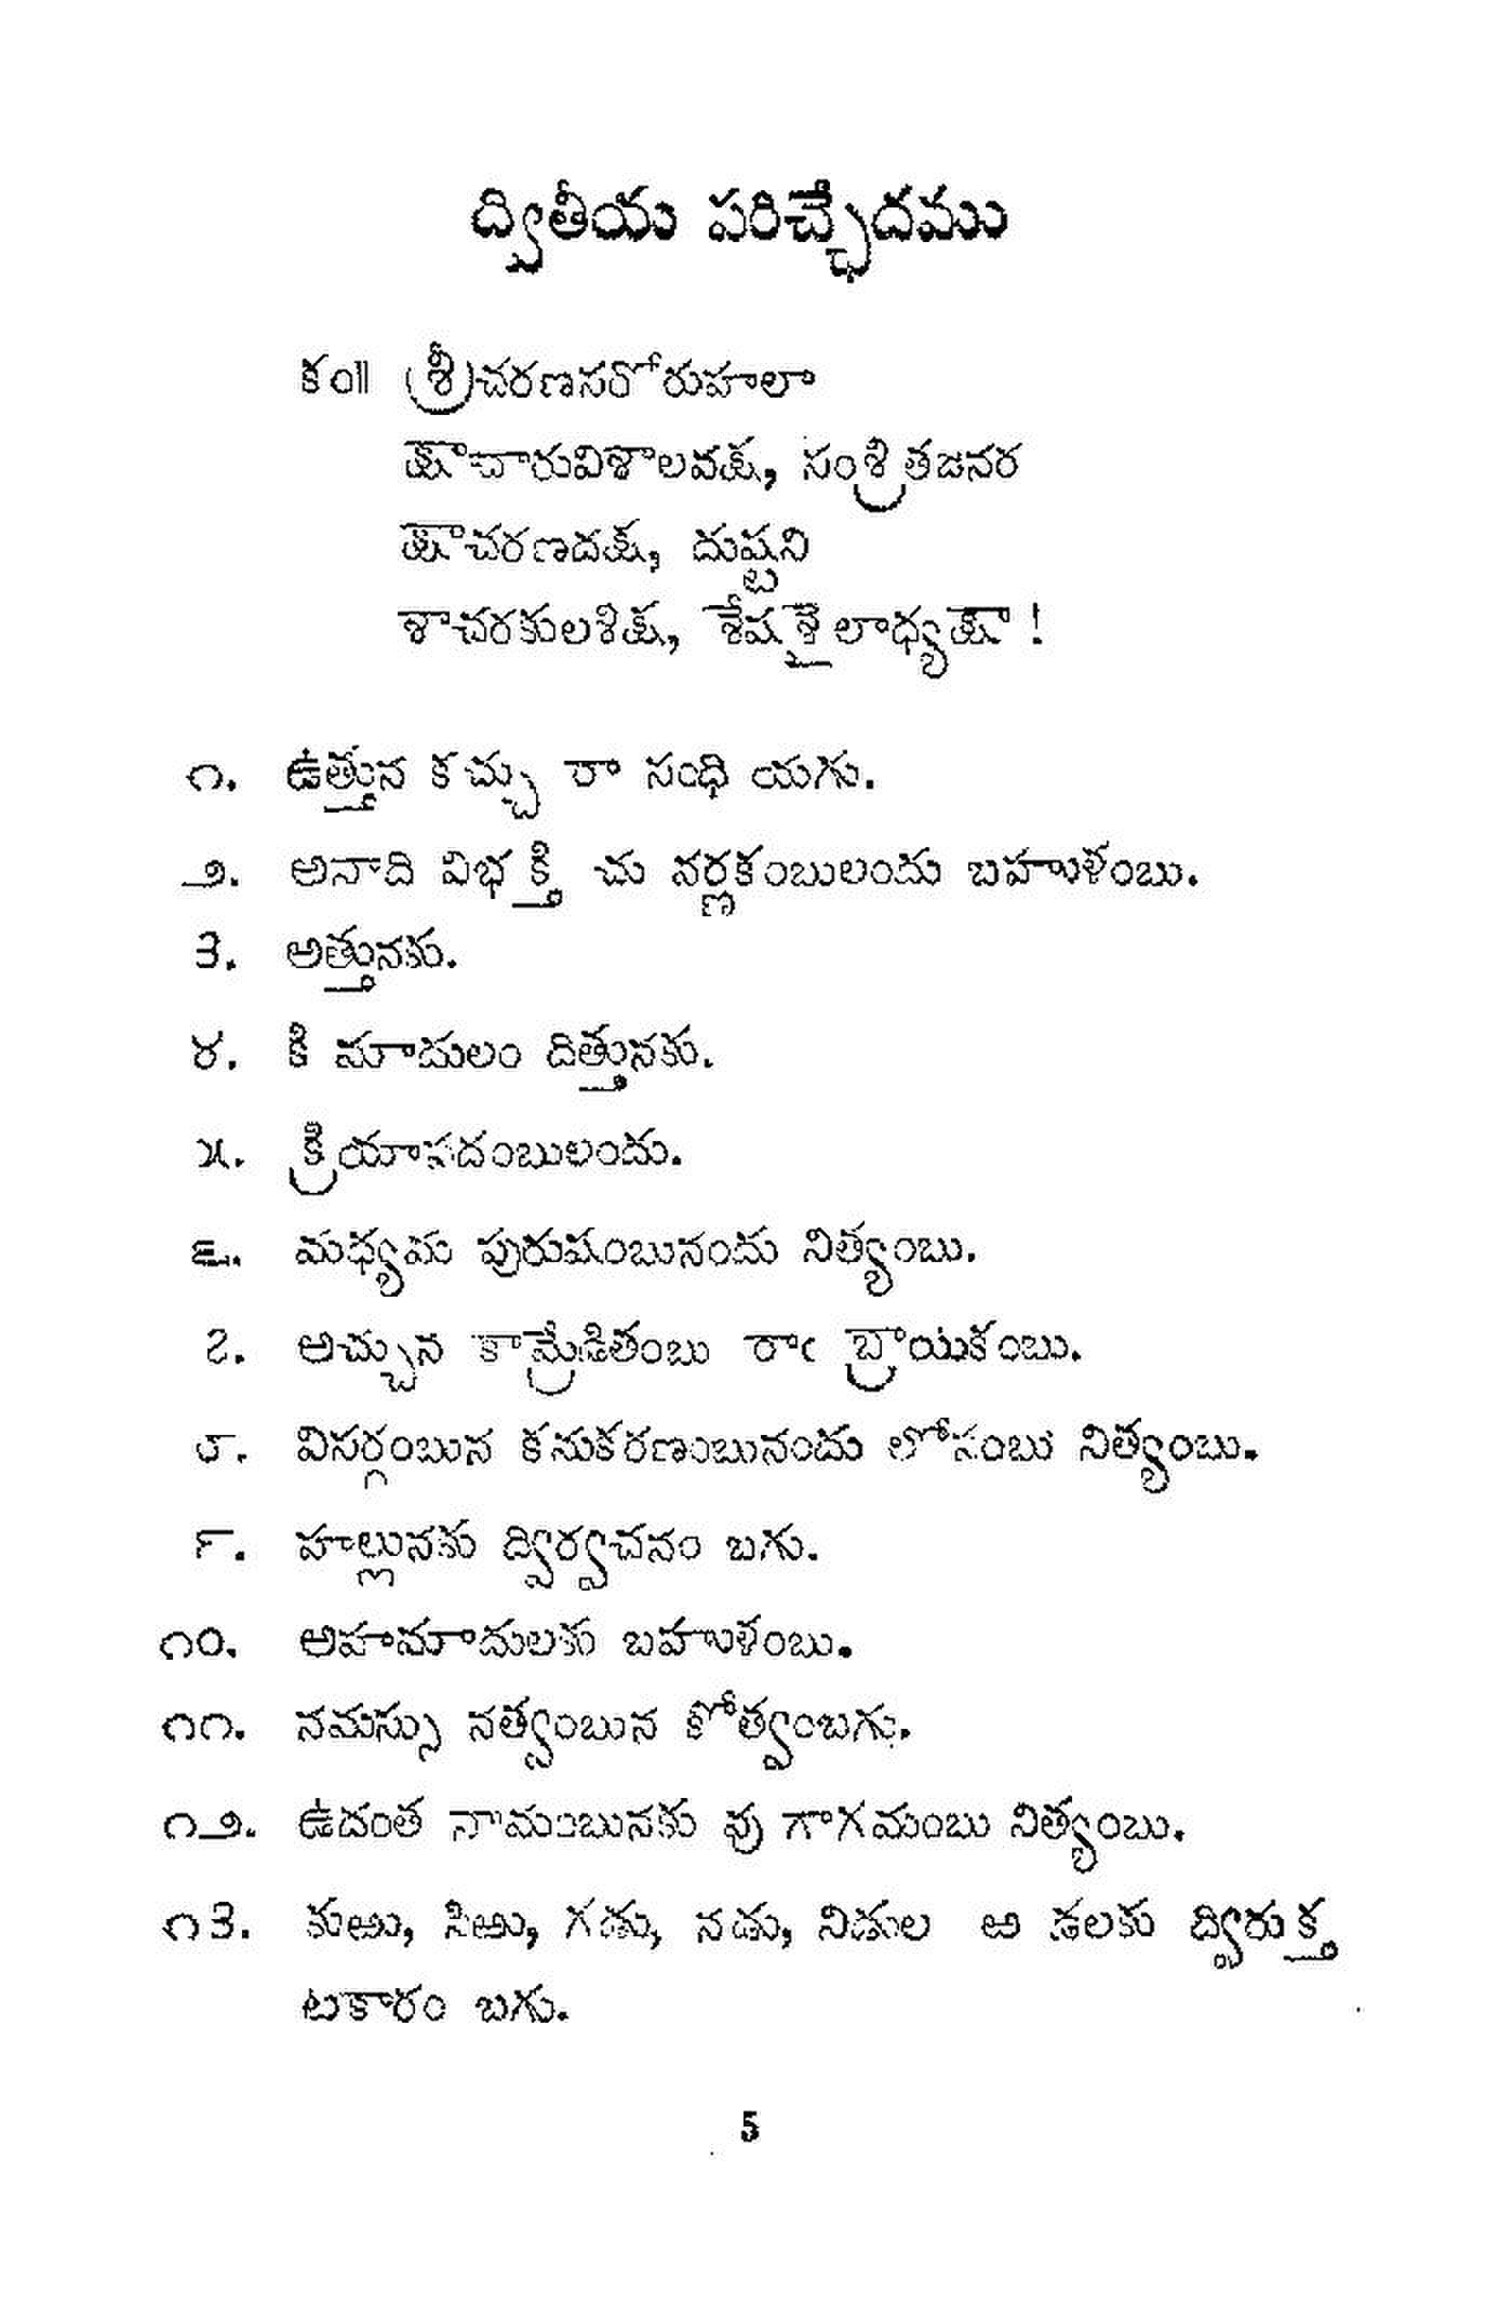ద్వితీయ పరిచ్ఛేదము 

కం|| శ్రీచరణసరోరుహలా
 క్షాచారువిశాలవక్ష, సంశ్రితజనర
 క్షాచరణదక్ష, దుష్టని
 శాచరకులశిక్ష, శేషశైలాధ్యక్షా ! 

1. ఉత్తున కచ్చు రా సంధి యగు. 

2. అనాది విభక్తి చు వర్ణకంబులందు బహుళంబు. 

3. అత్తునకు. 

4. కి మాదులం దిత్తునకు. 

5. క్రియాపదంబులందు. 

6. మధ్యమ పురుషంబునందు నిత్యంబు.

7. అచ్చున కామ్రేడితంబు రాఁ బ్రాయికంబు. 

8. విసర్గంబున కనుకరణంబునందు లోపంబు నిత్యంబు, 

9. హల్లునకు ద్విర్వచనం బగు. 

10. అహమాదులకు బహుళంబు. 

11. నమస్సు నత్వంబున కోత్వంబగు, 

12. ఉదంత నామంబునకు వు గాగమంబు నిత్యంబు. 

13. కుఱు, సిఱు, గడు, నడు, నిడుల ఱ డలకు ద్విరుక్త టకారం బగు.